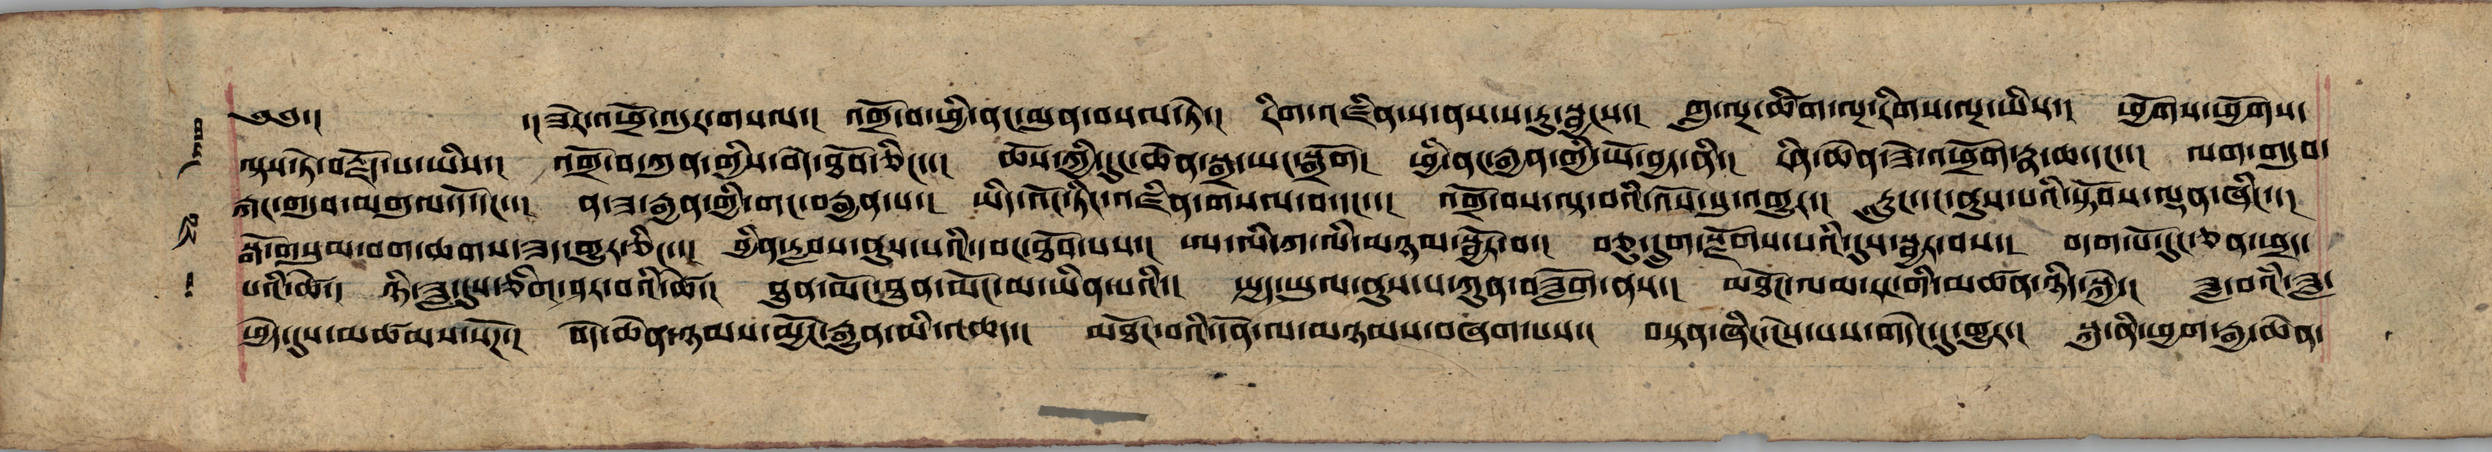༄༅་། ་།ཟེར་འཕྲོ་འདུར་གསལ་། འགྲོ་བ་ཕྱི་ནང་མུན་བསལ་ཏེ་། རིག་འཛིན་ས་ནས་ས་རུ་སྦྱངས་། ཀླུ་ལྔ་ཚིག་ལྔ་རིགས་ལྔ་ཡིས་། ཕྱོགས་ཕྱོགས་
ལྟས་ཏེ་བརྗོད་པ་ཡིས་། འགྲོ་བ་ཀུན་གྱིས་བདེ་ཐོབ་ཅིང་་། ཆོས་ཀྱི་དུང་ཆེན་སྒྲ་ཡང་སྒྲོག། ཕྱི་ནང་རྒྱན་གྱི་ཡོ་བྱད་ནི་། རིན་ཆེན་ཟེ་འཕྲོག་རྣ་ཆ་དང་་། ལག་གདུབ་
རྐང་གདུབ་མགུལ་དོ་དང་་། ན་ཟ་རྒྱན་གྱི་གང་བརྒྱན་པ་། ཡིད་འོང་ཏིང་འཛིན་གསལ་བ་དང་་། འགྲོ་བས་ལྟ་བའི་འོས་སུ་འགྱུར་། རླུང་དང་ནུས་པའི་སྟོབས་ལྡན་ཞིང་་།
སྒོ་གསུམ་བག་ཆགས་ཟད་གྱུར་ཅིང་་། བྱིན་རླབས་ནུས་པའི་དབང་ཐོབ་པས་། ཨ་ལི་ཀ་ལི་མཉམ་སྦྱོར་བ་། བཅུ་དྲུག་སྫོགས་པའི་དུས་སྦྱར་བས་། བདག་པོ་དུང་ཅན་ཕྲད་
པའི་ཚེ་། ཉི་ཟླ་དུས་ཅིག་ཤར་བའི་ཚེ་། ཐུན་མོང་ཐུན་མོང་མ་ཡིན་པའི་། སྤྱད་ཡུལ་ནུས་པ་ཀུན་བཟློག་ནས་། མཐོང་ལམ་རང་གི་མཚན་ཉིད་སྐྱེ་། ཟླ་བའི་ཟླ་
ཕྱེད་དུས་མཚམས་སོཌ་། བདེ་ཆེན་ཉམས་མྱོང་རྒྱུན་མི་འཆད་། མཐོང་བའི་དོན་ལ་མཉམས་བཞག་པས་། བསྟན་ཞིང་ངེས་པས་གདེང་དུ་གྱུར་། སྐུ་ནི་ཕྱག་རྒྱ་ཆེན་